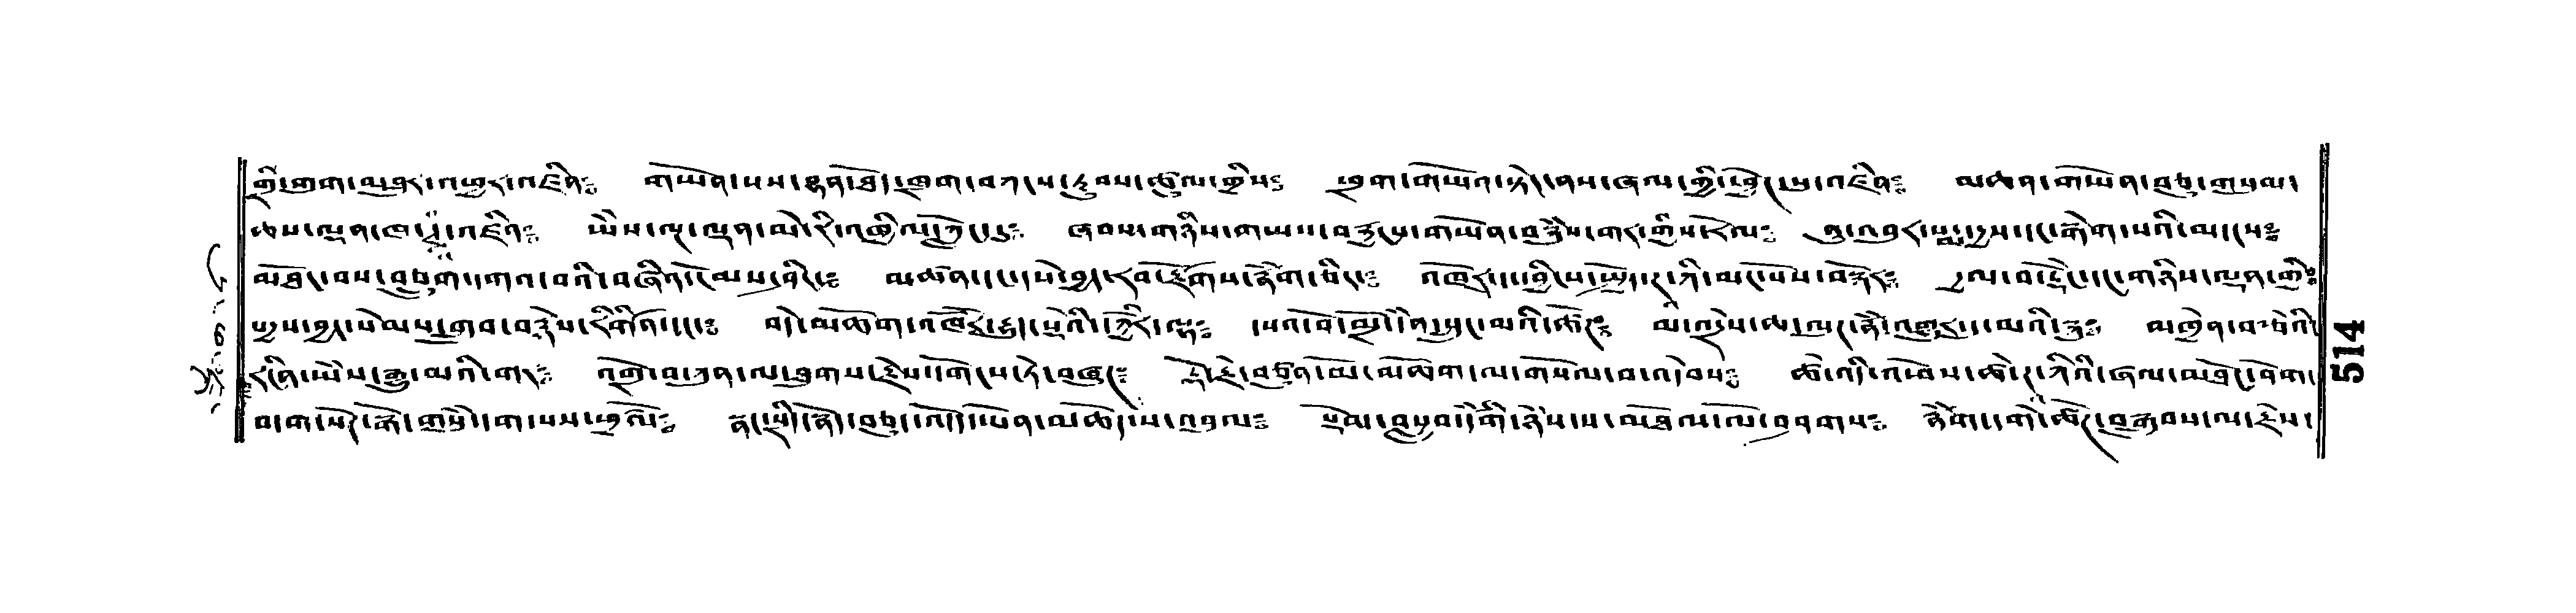གྲི་གུག་མཐུར་འཕྱར་འཛིན༔ གཡོན་པས་བྷན་ཐོད་ཁྲག་བཀང་རྡུབ་ཚུལ་གྱིས༔ ཕྲག་གཡོན་སྟེང་ནས་ཞལ་གྱི་ཕྱོགས་སུ་འཛིན༔ མཆན་གཡོན་བཅུ་གསུམ་
ཆས་ལྡན་ཁ་ཊྭཱཾ་འཛིན༔ ཡེ་ཤེས་ལྔ་ལྡན་མེ་རི་འཁྱིལ་ཀློང་དུ༔ ཞབས་གཉིས་གཡས་བརྐྱང་གཡོན་བསྐུམ་གར་གྱིས་རོལ༔ ནུ་འབུར་པདྨ་རྒྱས་དང་སྒེག་པའི་མདངས༔ 
མཐོང་བས་བཅུ་དྲུག་དགའ་བའི་བཞིན་ངོམས་ཤིང༔ མཚན་དག་དཔེ་བྱད་རབ་རྫོགས་རྣམ་དག་ཅིང༔ འཁོར་དང་དབྱིངས་སྤྱོད་ཌཱ་ཀི་མང་པོས་བསྐོར༔ རྒྱལ་བ་རྡོ་རྗེ་འཆང་དང་གཉིས་ལྡན་གྱི༔ 
སངས་རྒྱས་བྱང་སེམས་གྲུབ་བརྙེས་རིག་འཛིན་དང༔ བདེ་མཆོག་འཁོར་ལོར་རྒྱུད་སྡེའི་དཀྱིལ་འཁོར་ལྷ༔ དཔའ་བོ་མཁའ་འགྲོ་དམ་ཅན་སྲུང་མའི་ཚོགས༔ མ་འདྲེས་ཆ་ལུགས་རྣམ་འགྱུར་དུ་མའི་སྐུ༔ མཁྱེན་བརྩེའི་
རང་བཞིན་ཡེ་ཤེས་སྒྱུ་མའི་གར༔འགྲོ་བ་ཀུན་ལ་ཐུགས་རྗེས་དགོངས་ཏེ་བཞུགས༔ རྡོ་རྗེ་བཙུན་མོ་མཆོག་ལ་གསོལ་བ་འདེབས༔ ཚེ་འདི་འཕོས་ཚེ་ཌཱ་ཀིའི་ཞལ་མཐོང་ཤོག༔ 
བདག་སོགས་སྒོ་གསུམ་དག་པས་ཕྱག་འཚལ་ལོ༔ སྣང་སྲིད་སྣོད་བཅུད་འདོད་ཡོན་མཆོད་པ་འབུལ༔ སྡོམ་བསླབ་དམ་ཚིག་ཉམས་པ་མཐོལ་ལོ་བཤགས༔ རྣམ་དག་དགེ་ཚོགས་བསྒྲུབས་ལ་རྗེས་